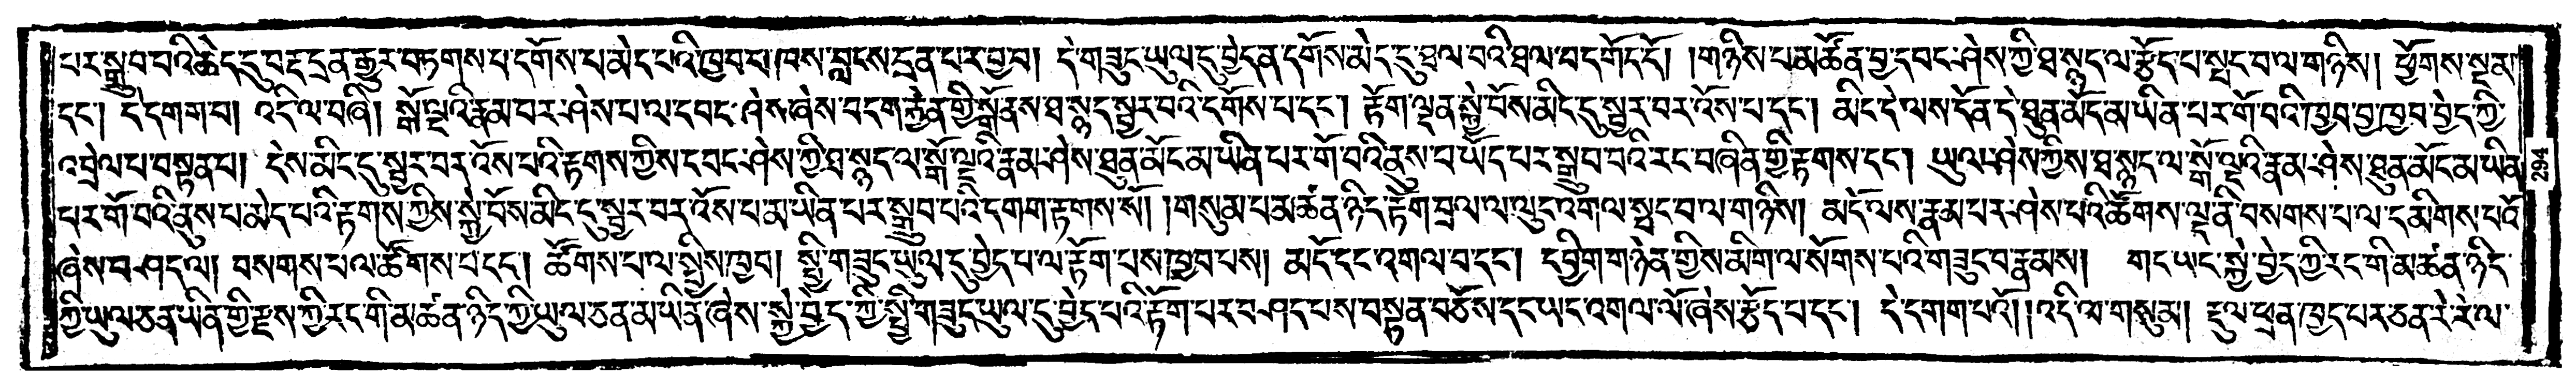པར་སྒྲུབ་པའི་ཆེད་དུ་བརྡ་དྲན་རྒྱུར་བཏགས་པ་དགོས་པ་མེད་པའི་ཁྱབ་པ་ཁས་བླངས་དྲན་པར་བྱ་བ། དེ་གཟུང་ཡུལ་དུ་བྱེད་ན་དགོས་མེད་དུ་ཐལ་བའི་ཐལ་བ་དགོད་དོ། །གཉིས་པ་མཚོན་བྱ་དབང་ཤེས་ཀྱི་ཐ་སྙད་ལ་རྩོད་པ་སྤང་བ་ལ་གཉིས། ཕྱོགས་སྔ་མ་
དང་། དེ་དགག་པ། འདི་ལ་བཞི། སྒོ་ལྔའི་རྣམ་པར་ཤེས་པ་ལ་དབང་ཤེས་ཞེས་བདག་རྐྱེན་གྱི་སྒོ་ནས་ཐ་སྙད་སྦྱར་བའི་དགོས་པ་དང་། རྟོག་ལྡན་སྐྱེ་བོས་མིང་དུ་སྦྱར་བར་འོས་པ་དང་། མིང་དེ་ལས་དོན་དེ་ཐུན་མོང་མ་ཡིན་པར་གོ་བའི་ཁྱབ་བྱ་ཁྱབ་བྱེད་ཀྱི་
འབྲེལ་པ་བསྟན་པ། དེས་མིང་དུ་སྦྱར་བར་འོས་པའི་རྟགས་ཀྱིས་དབང་ཤེས་ཀྱི་ཐ་སྙད་ལ་སྒོ་ལྔའི་རྣམ་ཤེས་ཐུན་མོང་མ་ཡིན་པར་གོ་བའི་ནུས་པ་ཡོད་པར་སྒྲུབ་པའི་རང་བཞིན་གྱི་རྟགས་དང་། ཡུལ་ཤེས་ཀྱིས་ཐ་སྙད་ལ་སྒོ་ལྔའི་རྣམ་ཤེས་ཐུན་མོང་མ་ཡིན་
པར་གོ་བའི་ནུས་པ་མེད་པའི་རྟགས་ཀྱིས་སྐྱེ་བོས་མིང་དུ་སྦྱར་བར་འོས་པ་མ་ཡིན་པར་སྒྲུབ་པའི་དགག་རྟགས་སོ། །གསུམ་པ་མཚན་ཉིད་རྟོག་བྲལ་ལ་ལུང་འགལ་སྤང་བ་ལ་གཉིས། མདོ་ལས་རྣམ་པར་ཤེས་པའི་ཚོགས་ལྔ་ནི་བསགས་པ་ལ་དམིགས་པའོ་
ཞེས་བཤད་ལ། བསགས་པ་ལ་ཚོགས་པ་དང་། ཚོགས་པ་ལ་སྤྱིས་ཁྱབ། སྤྱི་གཟུང་ཡུལ་དུ་བྱེད་པ་ལ་རྟོག་པས་ཁྱབ་པས། མདོ་དང་འགལ་བ་དང་། དབྱིག་གཉེན་གྱིས་མིག་ལ་སོགས་པའི་གཟུང་བ་རྣམས། གང་ཡང་སྐྱེ་བྱེད་ཀྱི་རང་གི་མཚན་ཉིད་
ཀྱི་ཡུལ་ཅན་ཡིན་གྱི་རྫས་ཀྱི་རང་གི་མཚན་ཉིད་ཀྱི་ཡུལ་ཅན་མ་ཡིན་ཞེས་སྐྱེ་བྱེད་ཀྱི་སྤྱི་གཟུང་ཡུལ་དུ་བྱེད་པའི་རྟོག་པར་བཤད་པས་བསྟན་བཅོས་དང་ཡང་འགལ་ལོ་ཞེས་རྩོད་པ་དང་། དེ་དགག་པའོ། །འདི་ལ་གསུམ། རྡུལ་ཕྲན་ཁྱད་པར་ཅན་རེ་རེ་ལ་